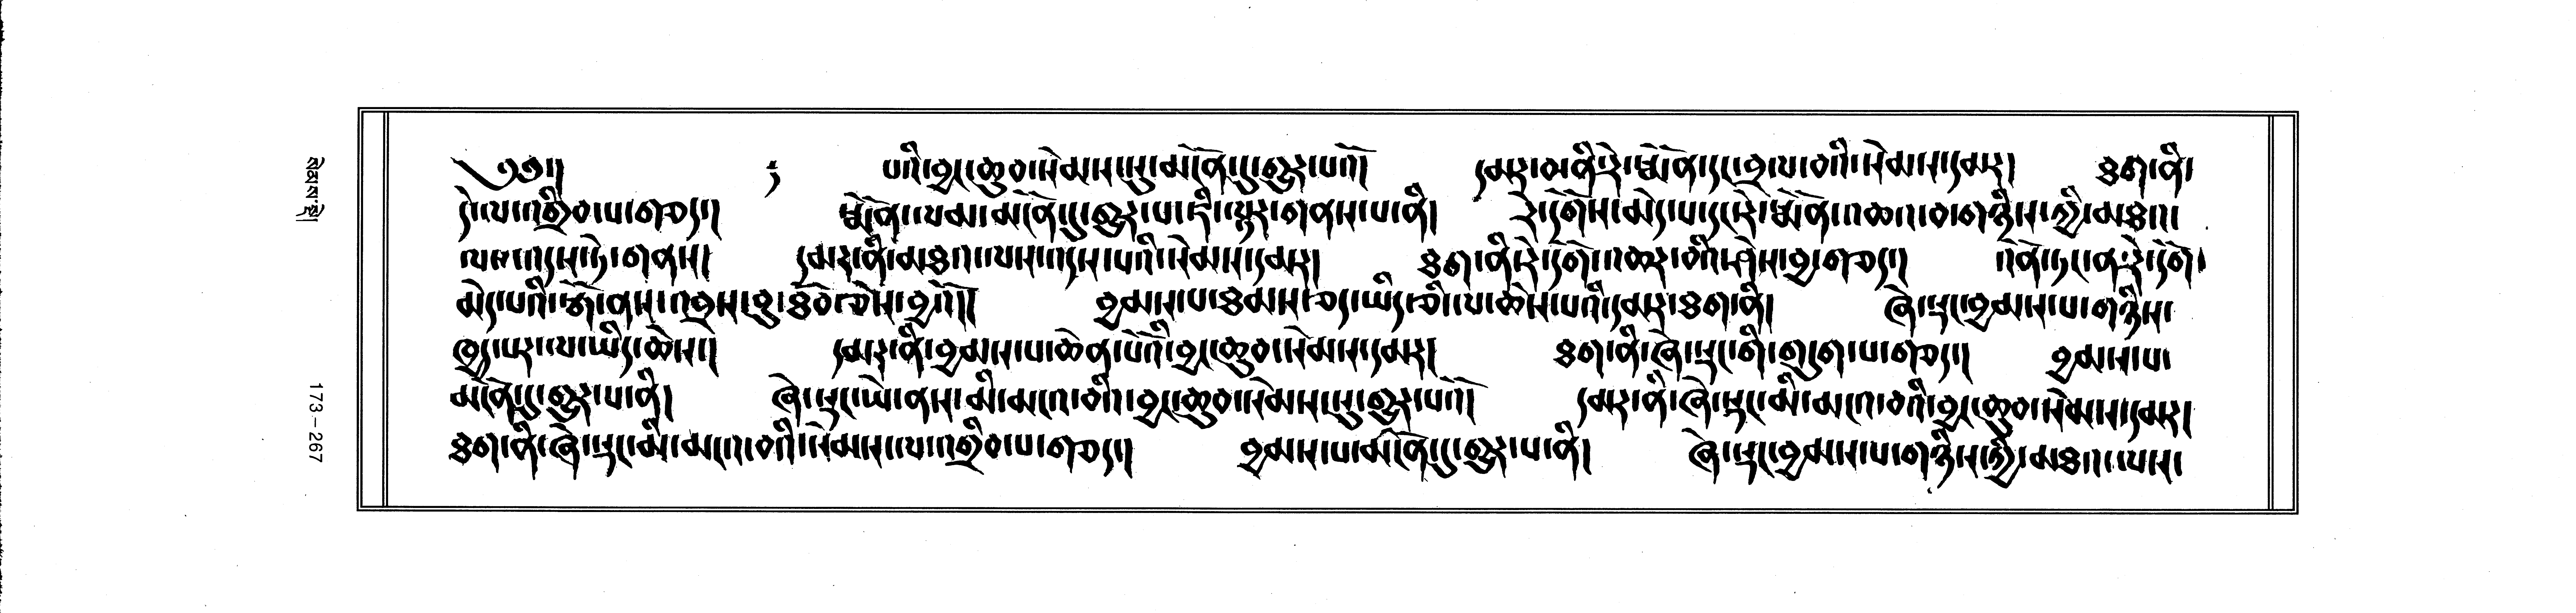པའི་བྱང་ཆུབ་སེམས་སུ་མངོན་དུ་གྱུར་པའོ། །དམར་བ་ནི་རེ་སྨོན་དང་བྲལ་བའི་སེམས་དམར། ཐག་ནི་
དེ་ལ་འགྲིབ་པ་གཅད། སྨོན་ལམ་མངོན་དུ་གྱུར་པ་ཇི་ལྟར་གནས་པ་ནི། རེ་དྭོགས་མེད་པ་དང་རེ་སྨོན་འཆའ་བ་གཉིས་ཀྱི་མཐའ་
ལས་འདས་ཏེ་གནས། དམར་ནི་མཐའ་ལས་འདས་པའི་སེམས་དམར། ཐག་ནི་རེ་དྭོགས་འཆར་བའི་ཤེས་བྱ་གཅད། འོན་ཏང་ན་རེ་དྭོགས་
མེད་པའི་སྒོ་ནས་འབྲས་བུ་ཐོབ་ཅེས་བྱའོ། །བྱམས་པ་ཐམས་ཅད་ཡིད་ཅི་ལ་ཆེས་པའི་དམར་ཐག་ནི། ཞེ་སྡང་བྱམས་པ་གཉིས་
ཁྱད་པར་ལ་ཡིད་ཆེས། དམར་ནི་བྱམས་པ་ཆེན་པོའི་བྱང་ཆུབ་སེམས་དམར། ཐག་ནི་ཞེ་སྡང་གི་གདུག་པ་གཅད། བྱམས་པ་
མངོན་དུ་གྱུར་པ་ནི། ཞེ་སྡང་ཡེ་ནས་མི་མངའ་བའི་བྱང་ཆུབ་སེམས་སུ་གྱུར་པའོ། །དམར་ནི་ཞེ་སྡང་མི་མངའ་བའི་བྱང་ཆུབ་སེམས་དམར། 
ཐག་ནི་ཞེ་སྡང་མི་མངའ་བའི་སེམས་ལ་འགྲིབ་པ་བཅད། བྱམས་པ་མངོན་དུ་གྱུར་པ་ནི། ཞེ་སྡང་བྱམས་པ་གཉིས་ཀྱི་མཐའ་ལས་